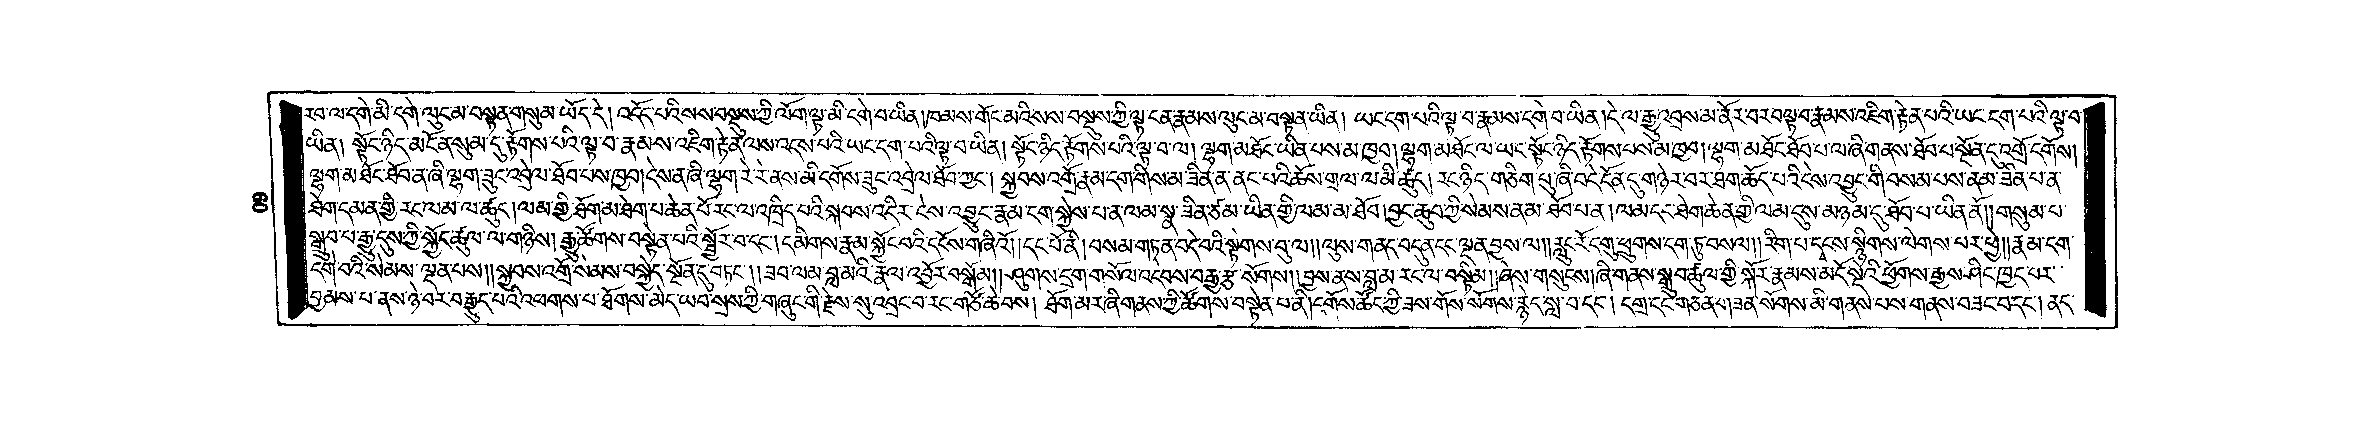རབ་ལ་དགེ་མི་དགེ་ལུང་མ་བསྟན་གསུམ་ཡོད་དེ། འདོད་པའི་སས་བསྡུས་ཀྱི་ལོག་ལྟ་མི་དགེ་བ་ཡིན། ཁམས་གོང་མའི་སས་བསྡུས་ཀྱི་ལྟ་ངན་རྣམས་ལུང་མ་བསྟན་ཡིན། ཡང་དག་པའི་ལྟ་བ་རྣམས་དགེ་བ་ཡིན། དེ་ལ་རྒྱུ་འབྲས་མ་ནོར་བར་བལྟ་བ་རྣམས་འཇིག་རྟེན་པའི་ཡང་དག་པའི་ལྟ་བ་
ཡིན། སྟོང་ཉིད་མངོན་སུམ་དུ་རྟོགས་པའི་ལྟ་བ་རྣམས་འཇིག་རྟེན་ལས་འདས་པའི་ཡང་དག་པའི་ལྟ་བ་ཡིན། སྟོང་ཉིད་རྟོགས་པའི་ལྟ་བ་ལ། ལྷག་མཐོང་ཡིན་པས་མ་ཁྱབ། ལྷག་མཐོང་ལ་ཡང་སྟོང་ཉིད་རྟོགས་པས་མ་ཁྱབ། ལྷག་མཐོང་ཐོབ་པ་ལ་ཞི་གནས་ཐོབ་པ་སྔོན་དུ་འགྲོ་དགོས།
ལྷག་མཐོང་ཐོབ་ན་ཞི་ལྷག་ཟུང་འབྲེལ་ཐོབ་པས་ཁྱབ། དེས་ན་ཞི་ལྷག་རེ་རེ་ནས་མི་དགོས་ཟུང་འབྲེལ་ཐོབ་ཀྱང་། སྐྱབས་འགྲོ་རྣམ་དག་གིས་མ་ཟིན་ན་ནང་པའི་ཆོས་གྲལ་ལ་མི་ཚུད། རང་ཉིད་གཅིག་པུ་ཞི་བདེ་དོན་དུ་གཉེར་བར་ཐག་ཆོད་པའི་ངེས་འབྱུང་གི་བསམ་པས་ནམ་ཟིན་པ་ན་
ཐེག་དམན་གྱི་རང་ལམ་ལ་ཚུད། ལམ་གྱི་ཐོག་མ་ཐེག་པ་ཆེན་པོ་རང་ལ་འཁྲིད་པའི་སྐབས་འདིར་ངེས་འབྱུང་རྣམ་དག་སྐྱེས་པ་ན་ལམ་སྣ་ཟིན་ཙམ་ཡིན་གྱི་ལམ་མ་ཐོབ། བྱང་ཆུབ་ཀྱི་སེམས་ནམ་ཐོབ་པ་ན། ལམ་དང་ཐེག་ཆེན་གྱི་ལམ་དུས་མཉམ་དུ་ཐོབ་པ་ཡིན་ནོ། །གསུམ་པ་
སྒྲུབ་པ་རྒྱུ་དུས་ཀྱི་སྐྱོང་ཚུལ་ལ་གཉིས། རྒྱུ་ཚོགས་བསྟེན་པའི་སྦྱོར་བ་དང་། དམིགས་རྣམ་སྐྱོང་བའི་དངོས་གཞིའོ། །དང་པོ་ནི། བསམ་གཏན་བདེ་བའི་སྟེགས་བུ་ལ། །ལུས་གནད་བདུན་དང་ལྡན་བྱས་ལ། །རླུང་རོ་དགུ་ཕྲུགས་དག་ཏུ་བསལ། །རིག་པ་དྭངས་སྙིགས་ལེགས་པར་ཕྱེ། །རྣམ་དག་
དགེ་བའི་སེམས་ལྡན་པས། །སྐྱབས་འགྲོ་སེམས་བསྐྱེད་སྔོན་དུ་བཏང་། །ཟབ་ལམ་བླ་མའི་རྣལ་འབྱོར་བསྒོམ། །ཤུགས་དྲག་གསོལ་འདེབས་བརྒྱ་རྩ་སོགས། །བྱས་ནས་བླ་མ་རང་ལ་བསྟིམ། །ཞེས་གསུངས། ཞི་གནས་སྒྲུབ་ཚུལ་གྱི་སྐོར་རྣམས་མདོ་སྡེའི་ཕྱོགས་རྒྱས་ཤིང་ཁྱད་པར་
བྱམས་པ་ནས་ཉེ་བར་བརྒྱུད་པའི་འཕགས་པ་ཐོགས་མེད་ཡབ་སྲས་ཀྱི་གཞུང་གི་རྗེས་སུ་འབྲང་བ་རང་གཙོ་ཆེ་བས། ཐོག་མར་ཞི་བགྣས་ཀྱི་ཚོགས་བསྟེན་པ་ནི། དགོས་ཚོད་ཀྱི་ཟས་གོས་སོགས་རྙེད་སླ་བ་དང་། དགྲ་དང་གཅན་གཟན་སོགས་མི་གནས་པས་གནང་བཟང་བ་དང་། ནད་